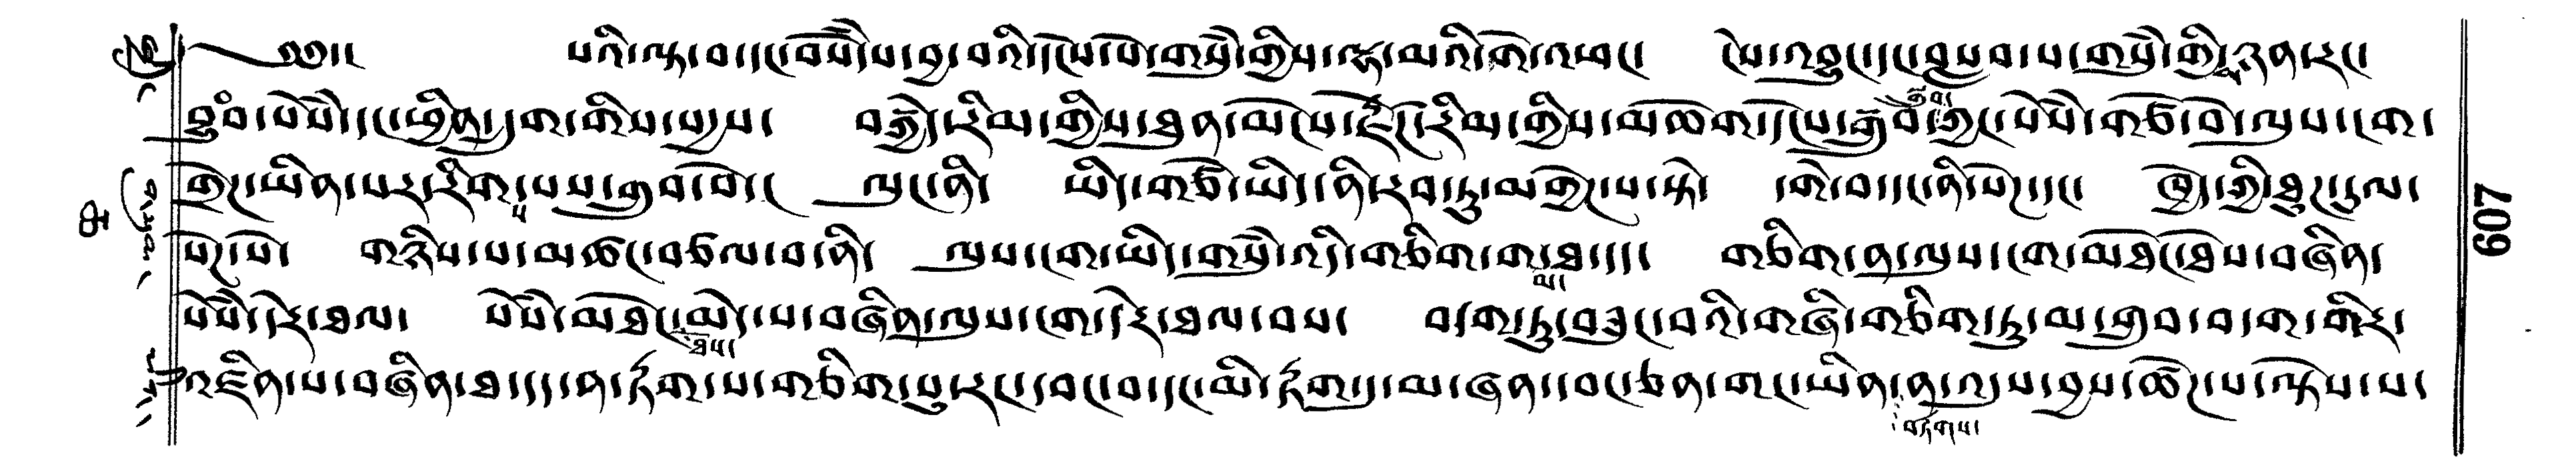པའི་ལྟ་བ་དང་བསོད་ནམས་བྱ་བའི་དངོས་པོ་གསུམ་གྱིས་ལྷ་མིའི་གོ་འཕང་།ངེས་འབྱུང་དང་བསླབ་པ་གསུམ་གྱིས་ཉན་རང་། 
བྱང་ཆུབ་སེམས་དང་ཕྱིན་དྲུག་གིས་སངས་རྒྱས། བསྐྱེད་རིམ་གྱིས་ཐུན་མོང་། རྫོགས་རིམ་གྱིས་མཆོག་དངོས་སྒྲུབ་ཀྱང་སེམས་གཙོ་བོ་ལུས་ངག་
གྲོགས་ཡིན་པར་རིགས་པས་གྲུབ་བོ། ལུང་ནི། ཡིད་གཙོ་ཡིད་ནི་རབ་ཏུ་མགྱོགས་པ་སྟེ། །དགེ་བ་དག་ནི་སོགས་དང་། ཁྱོད་ཀྱི་ཐུགས་དུལ་
སོགས་སོ། གཉིས་པ་མཚང་བཙལ་བ་ནི། ལུས་ངག་ཡིད་གསུམ་འདི་གཅིག་གམ་ཐ་དད། གཅིག་ན་ལུས་ངག་མཐོང་ཐོས་བཞིན་
སེམས་དེར་ཐལ། སེམས་མཐོང་ཐོས་མེད་པ་བཞིན་ལུས་ངག་དེར་ཐལ་བས། བདག་ཏུ་བཟུང་བའི་གཞི་གཅིག་ཏུ་མ་གྲུབ། བདག་གིར་
འཛིན་པ་བཞིན་ཐ་དད་ན་རྟག་པ་གཅིག་པུ་རང་དབང་བ་དང་། མི་རྟག་དུ་མ་ཞན་དབང་ཅན་གང་ཡིན་བརྟགས་ན་འདུས་བྱས་ཚོགས་པ་ལྟོས་པ་